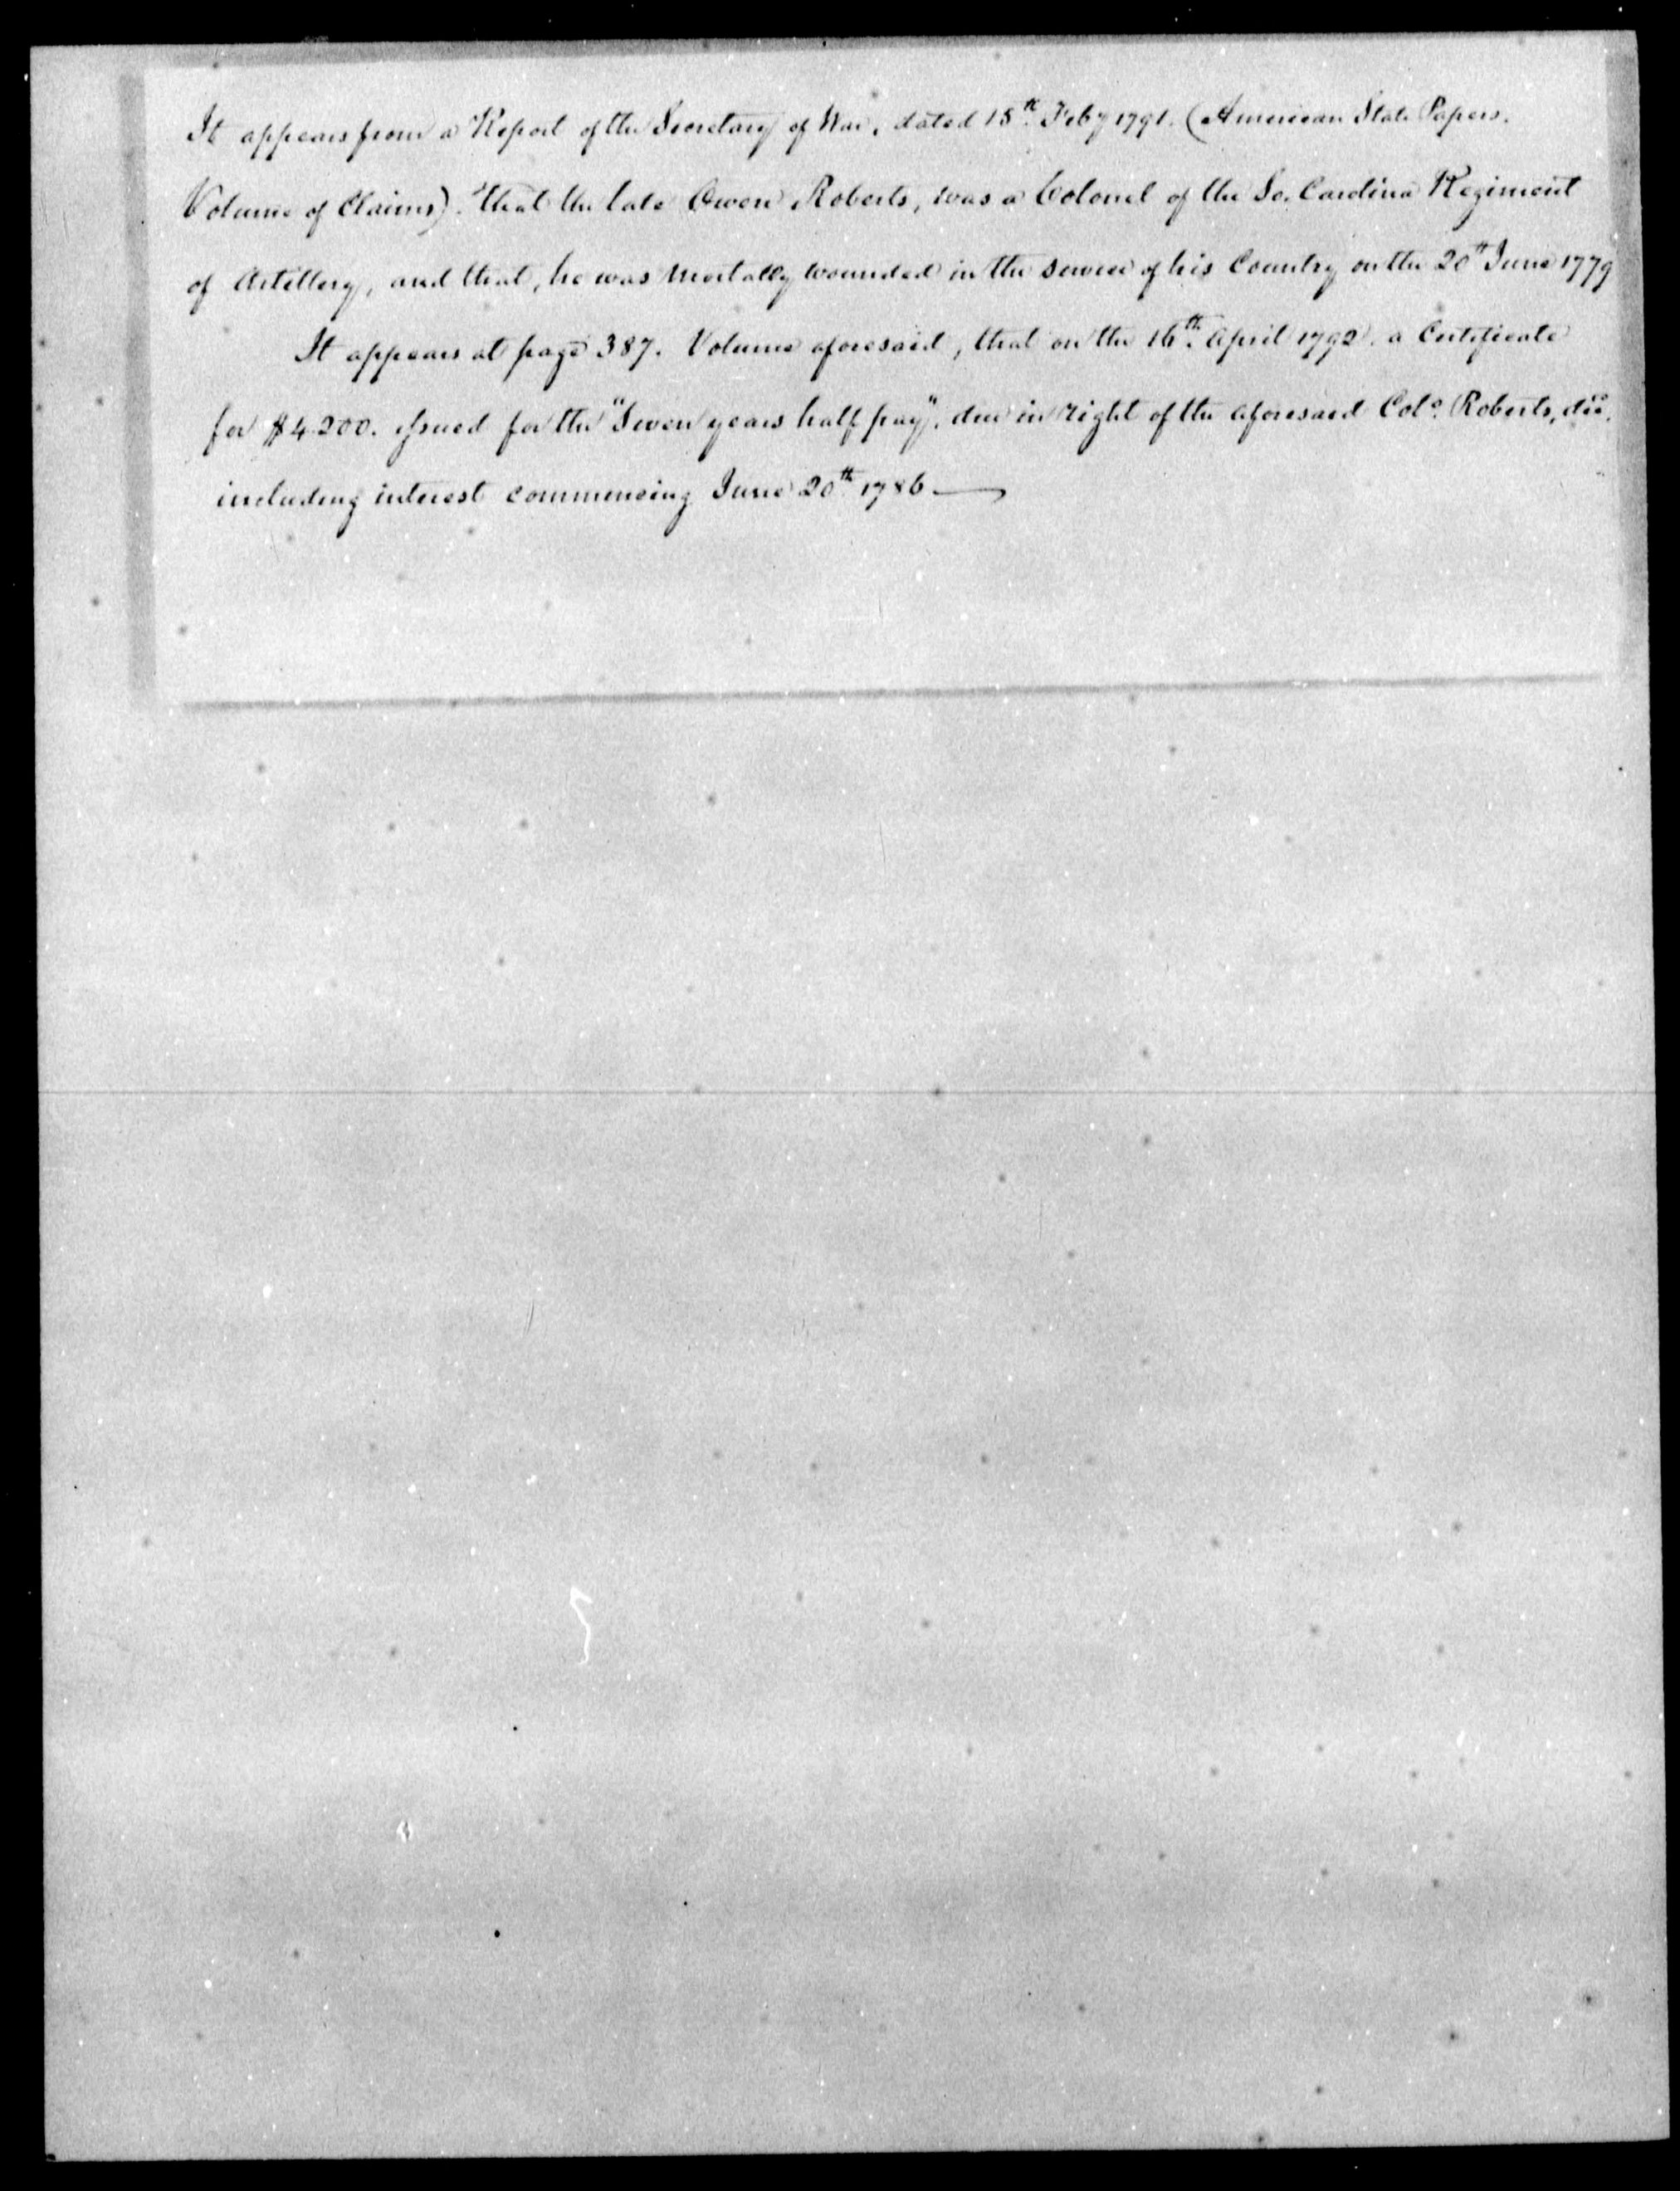It appears from a Report of the Secretary of War, dated 15th Feb of 1791 (American State Papers, Volume of Claims), that the late Owen Roberts, was a colonel of the So. Carolina Regiment of Artillery, and that, he was mortally wounded in the service of his Country on the 20th June 1779.
It appears at page 387. Volume aforesaid, that on the 16th April 1792, a Certificate for $4200. paid for the "Seven years half pay," due in right of the aforesaid Col. Roberts, dec. including interest commencing June 20th 1786--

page: 3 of 59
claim: bounty land warrant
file: B.L.Wt. 2359-500, for Owen Roberts, South Carolina